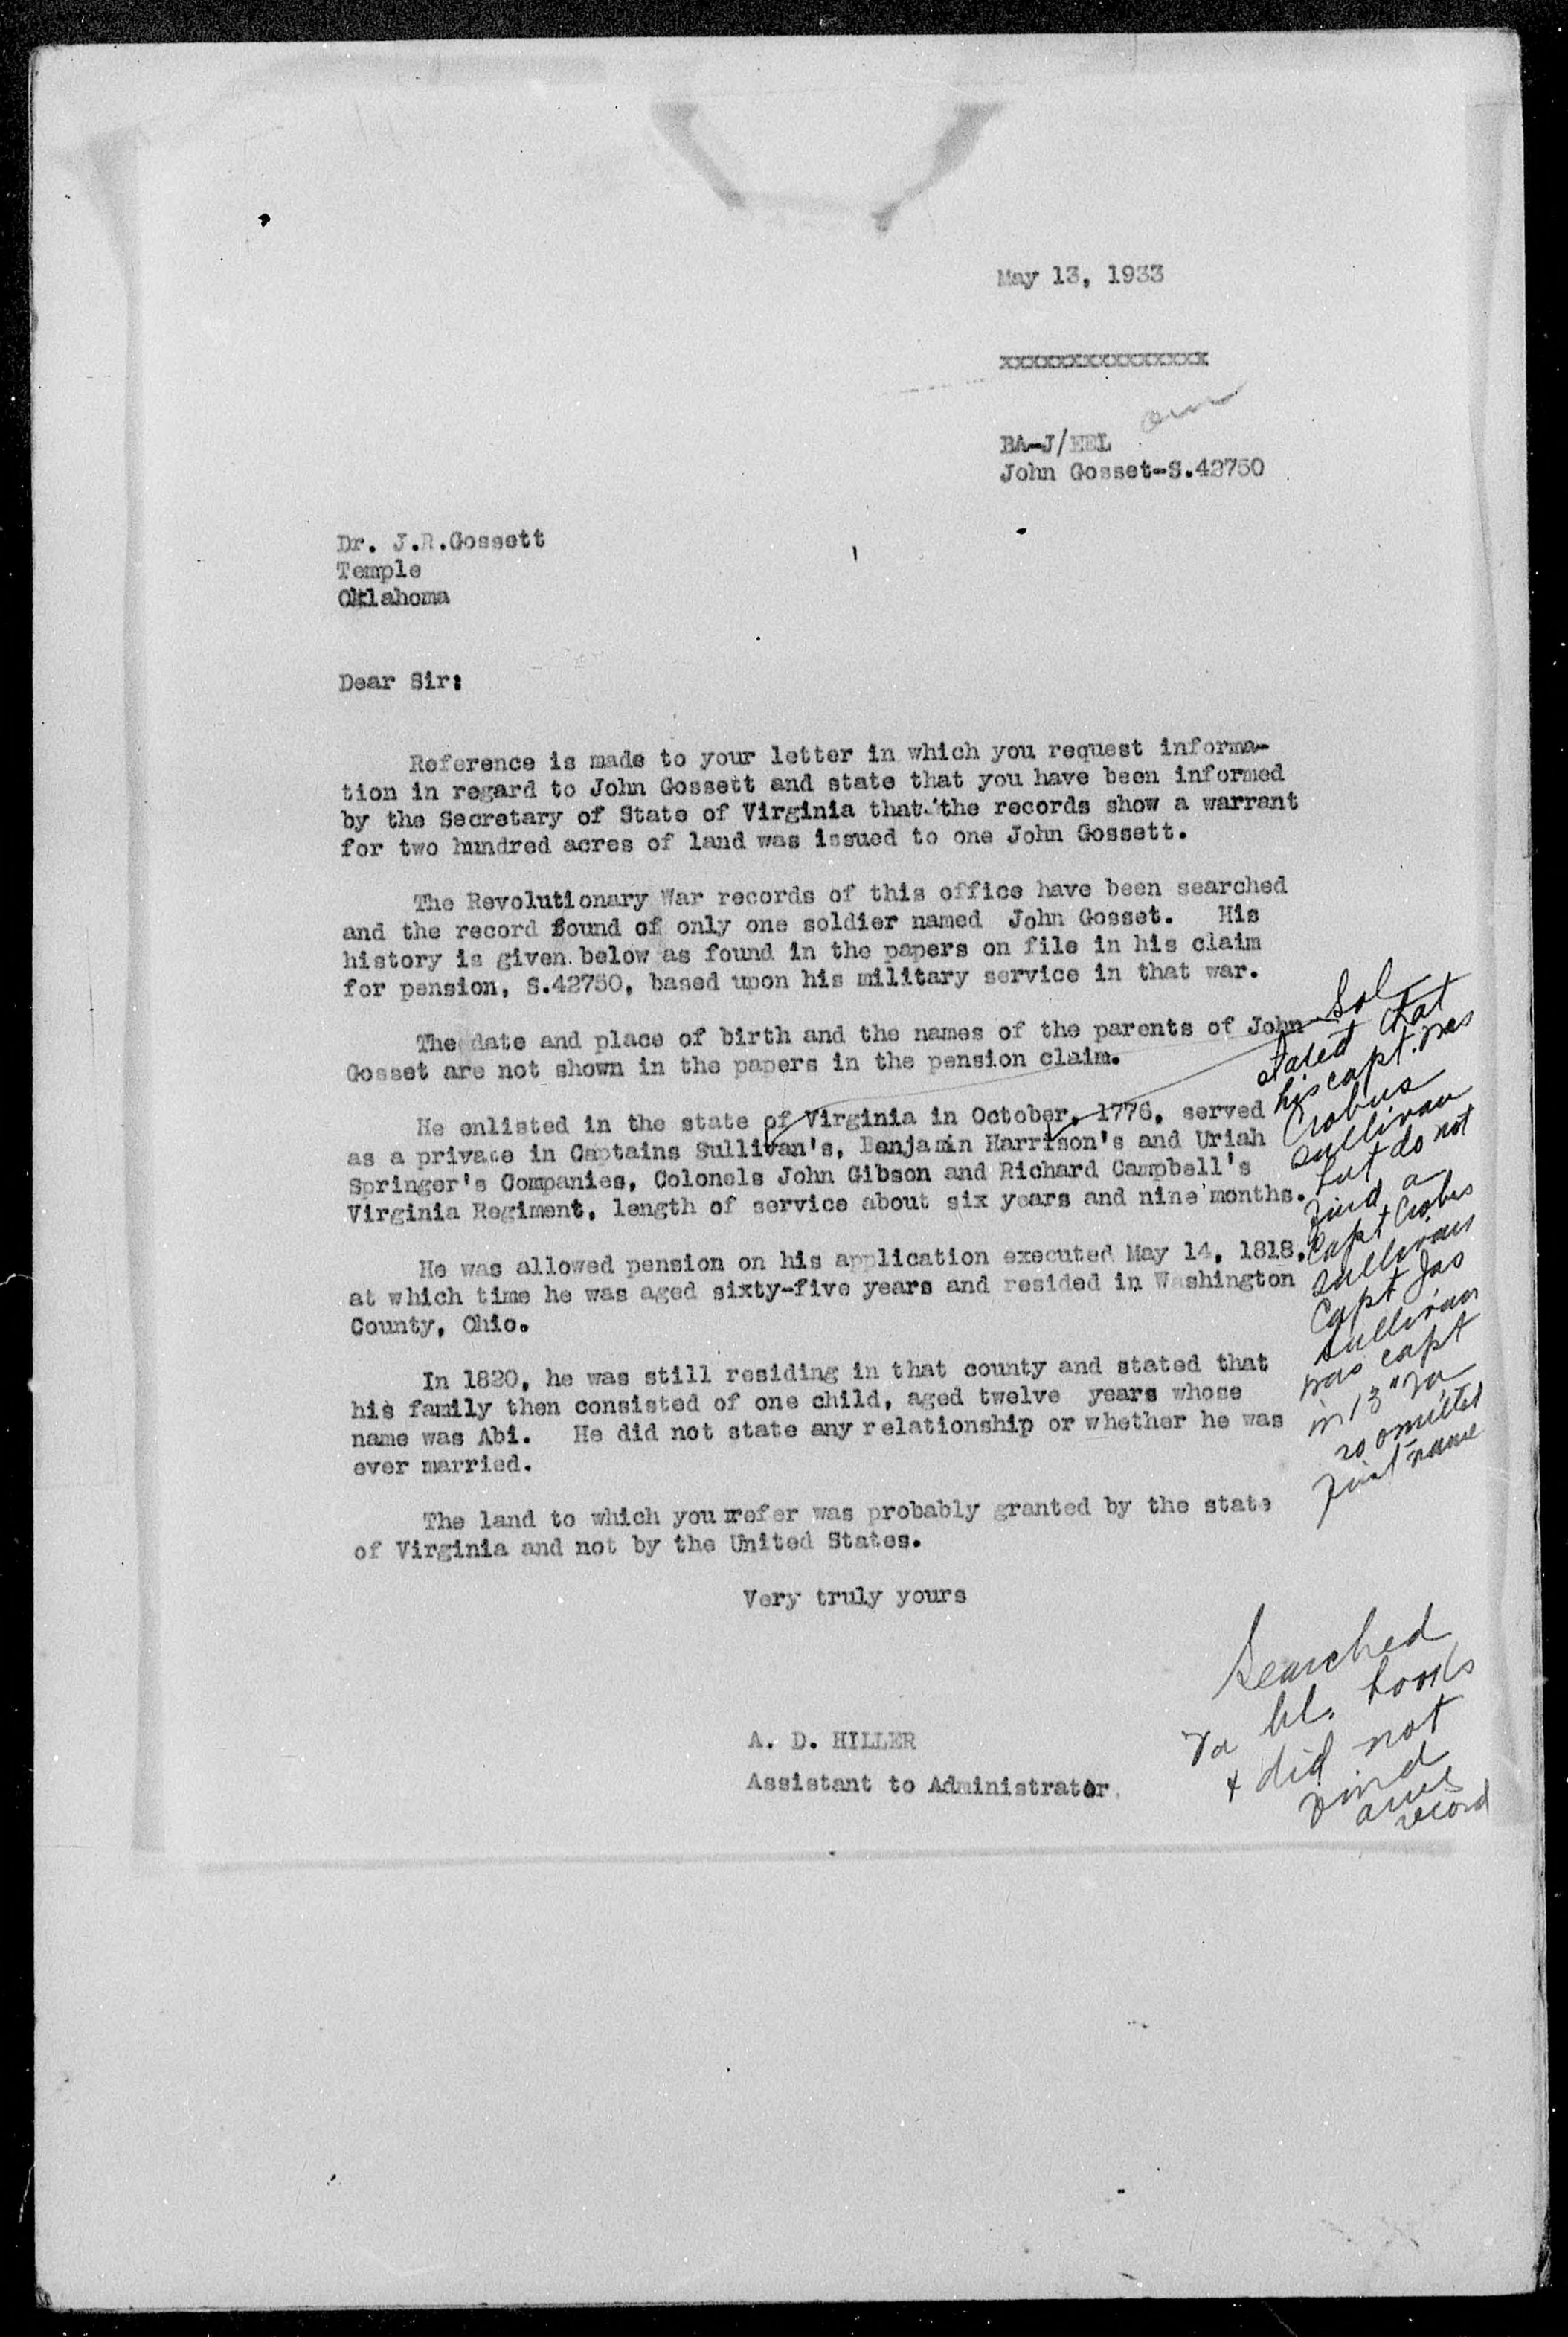May 13, 1933
xxxxxxxxxxxxxxx
BA-J/EEL [handwritten above is} OUR
John Gosset-S.42750

Dr. J.R.Gossett
Temple
Oklahoma
Dear Sir;
Reference is made to your letter in which you request information in regard to John Gossett and state that you have been informed by the Secretary of State of Virginia that the records show a warrant for two hundred acres of land was issued to one John Gossett.

The Revolutionary War records of this office have been searched and the record found of only one soldier named John Gosset. His history is given below as found in the papers on file in his claim for pension, S.42750, based upon his military service in that war.

The date and place of birth and the names of the parents of John Gosset are not shown in the papers in the pension claim.

He enlisted in the state of Virginia in October, 1776, served as a private in Captains Sullivan's, Benjamin Harrison's and Uriah Springer's Companies, Colonels John Gibson and Richard Campbell's Virginia Regiment, length of service about six years and nine months.

he was allowed pension on his application executed May 14, 1818, at which time he was aged sixty-five years and resided in Washington County, Ohio.

In 1820, he was still residing in that county and stated that his family then consisted of one child, aged twelve years whose name was Abi. He did not state any relationship or whether he was ever married.

The land to which you refer was probably granted by the state of Virginia and not by the United States.

Very truly yours

A. D. HILLER
Assistant to Administrator

[handwritten on right margin of page and arrow pointing to 'Sullivan's']
Sol stated that his capt. was Crobus Sullivan, but do not find a Capt Crobus Sullivan. Capt Jas Sullivan was capt in 13th Va so omitted first name.

[handwritten to right of HILLER]
Searched Va hl. books & did not find any record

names: John Gosset, John Gossett, John Gosset, John Gossett, J R Gossett, Abi, John Gosset, Crobus Sullivan, A D Hiller, Jas Sullivan, John Gibson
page: 15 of 21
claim: survivor's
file: S. 42,750, John Gosset, Va.